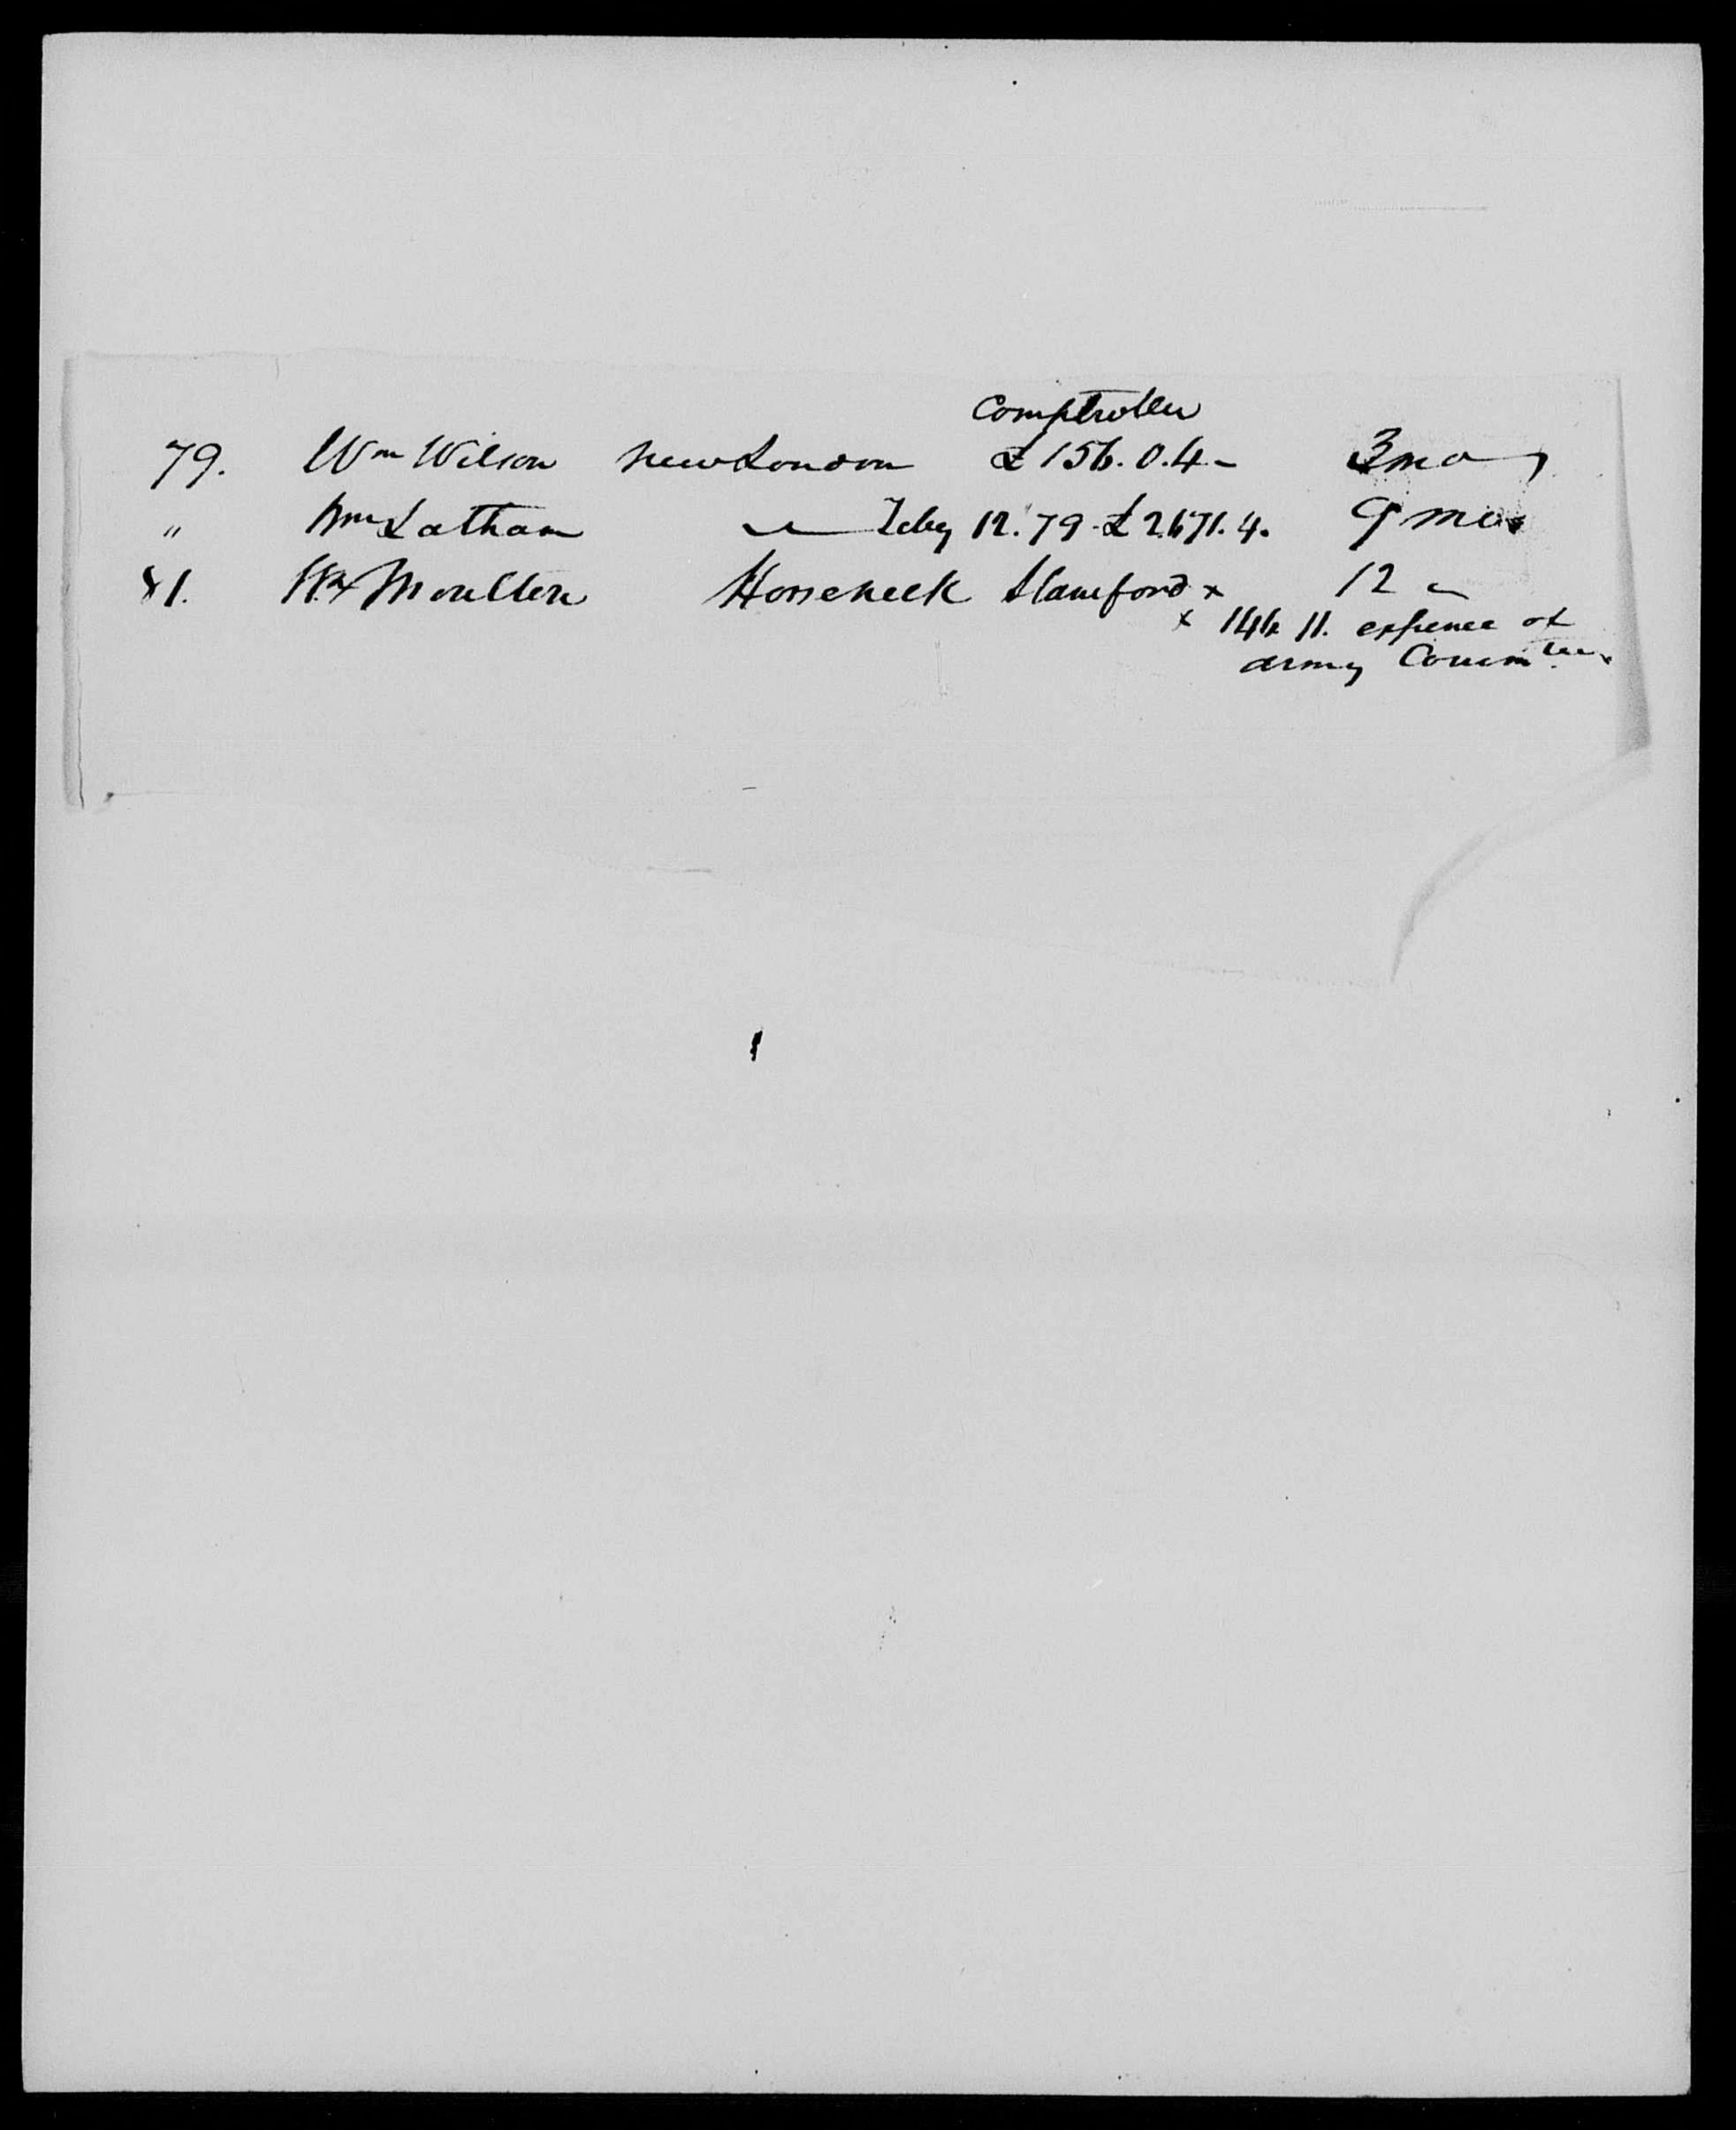Comptroller
79. Wm. Wilson, New London, 156.0.4 3 mos.
" Wm. Latham, July 12. 79.,  2671.40, 9 mos
81. Wm. Moulton, Horseneck Stamford, 146.11 expense of army [illegible], 12 [illegible]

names: Wm Moulton, Wm Wilson, Wm Latham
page: 36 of 50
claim: survivor's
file: S 10607, Jabez Edwards, Conn.